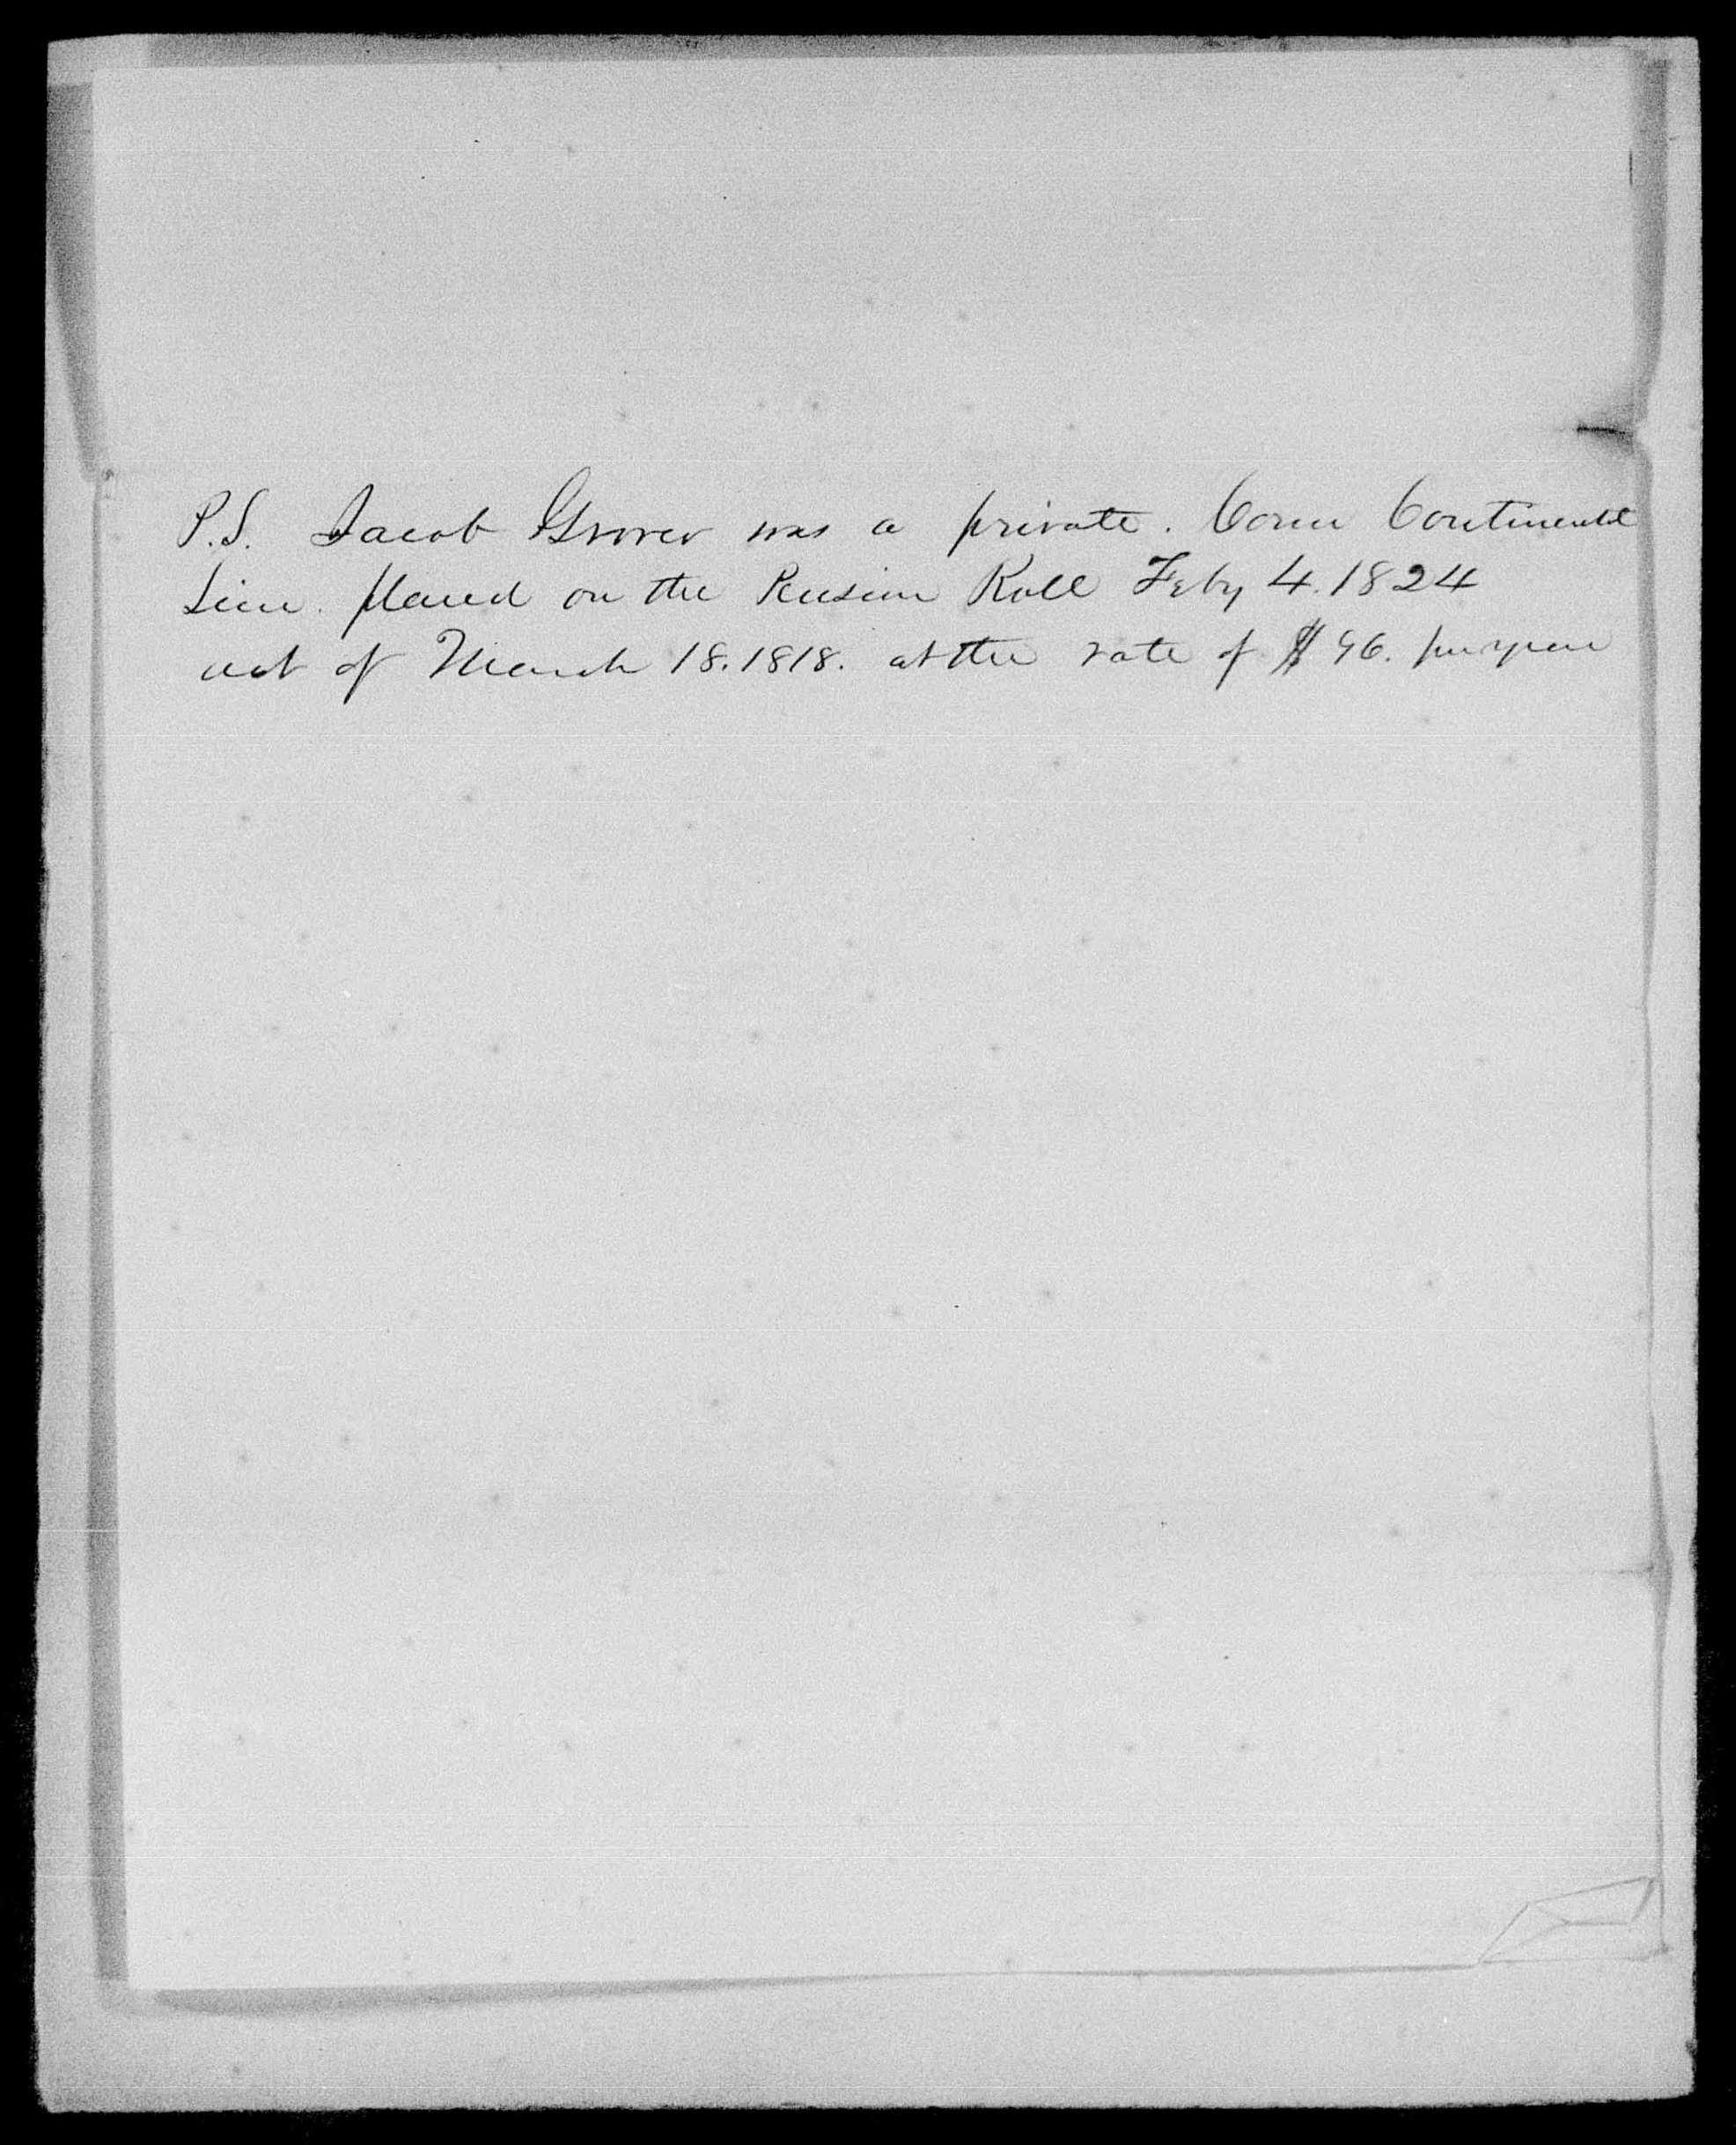P.S. Jacob Grover was a private. Conn. Continental Line placed on the Pension Roll Feb 4, 1824 act of March 18, 1818 at the rate of $96 per year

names: Jacob Grover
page: 12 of 22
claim: survivor's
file: S. 38777, Jacob Grover, Continental (Vt.)